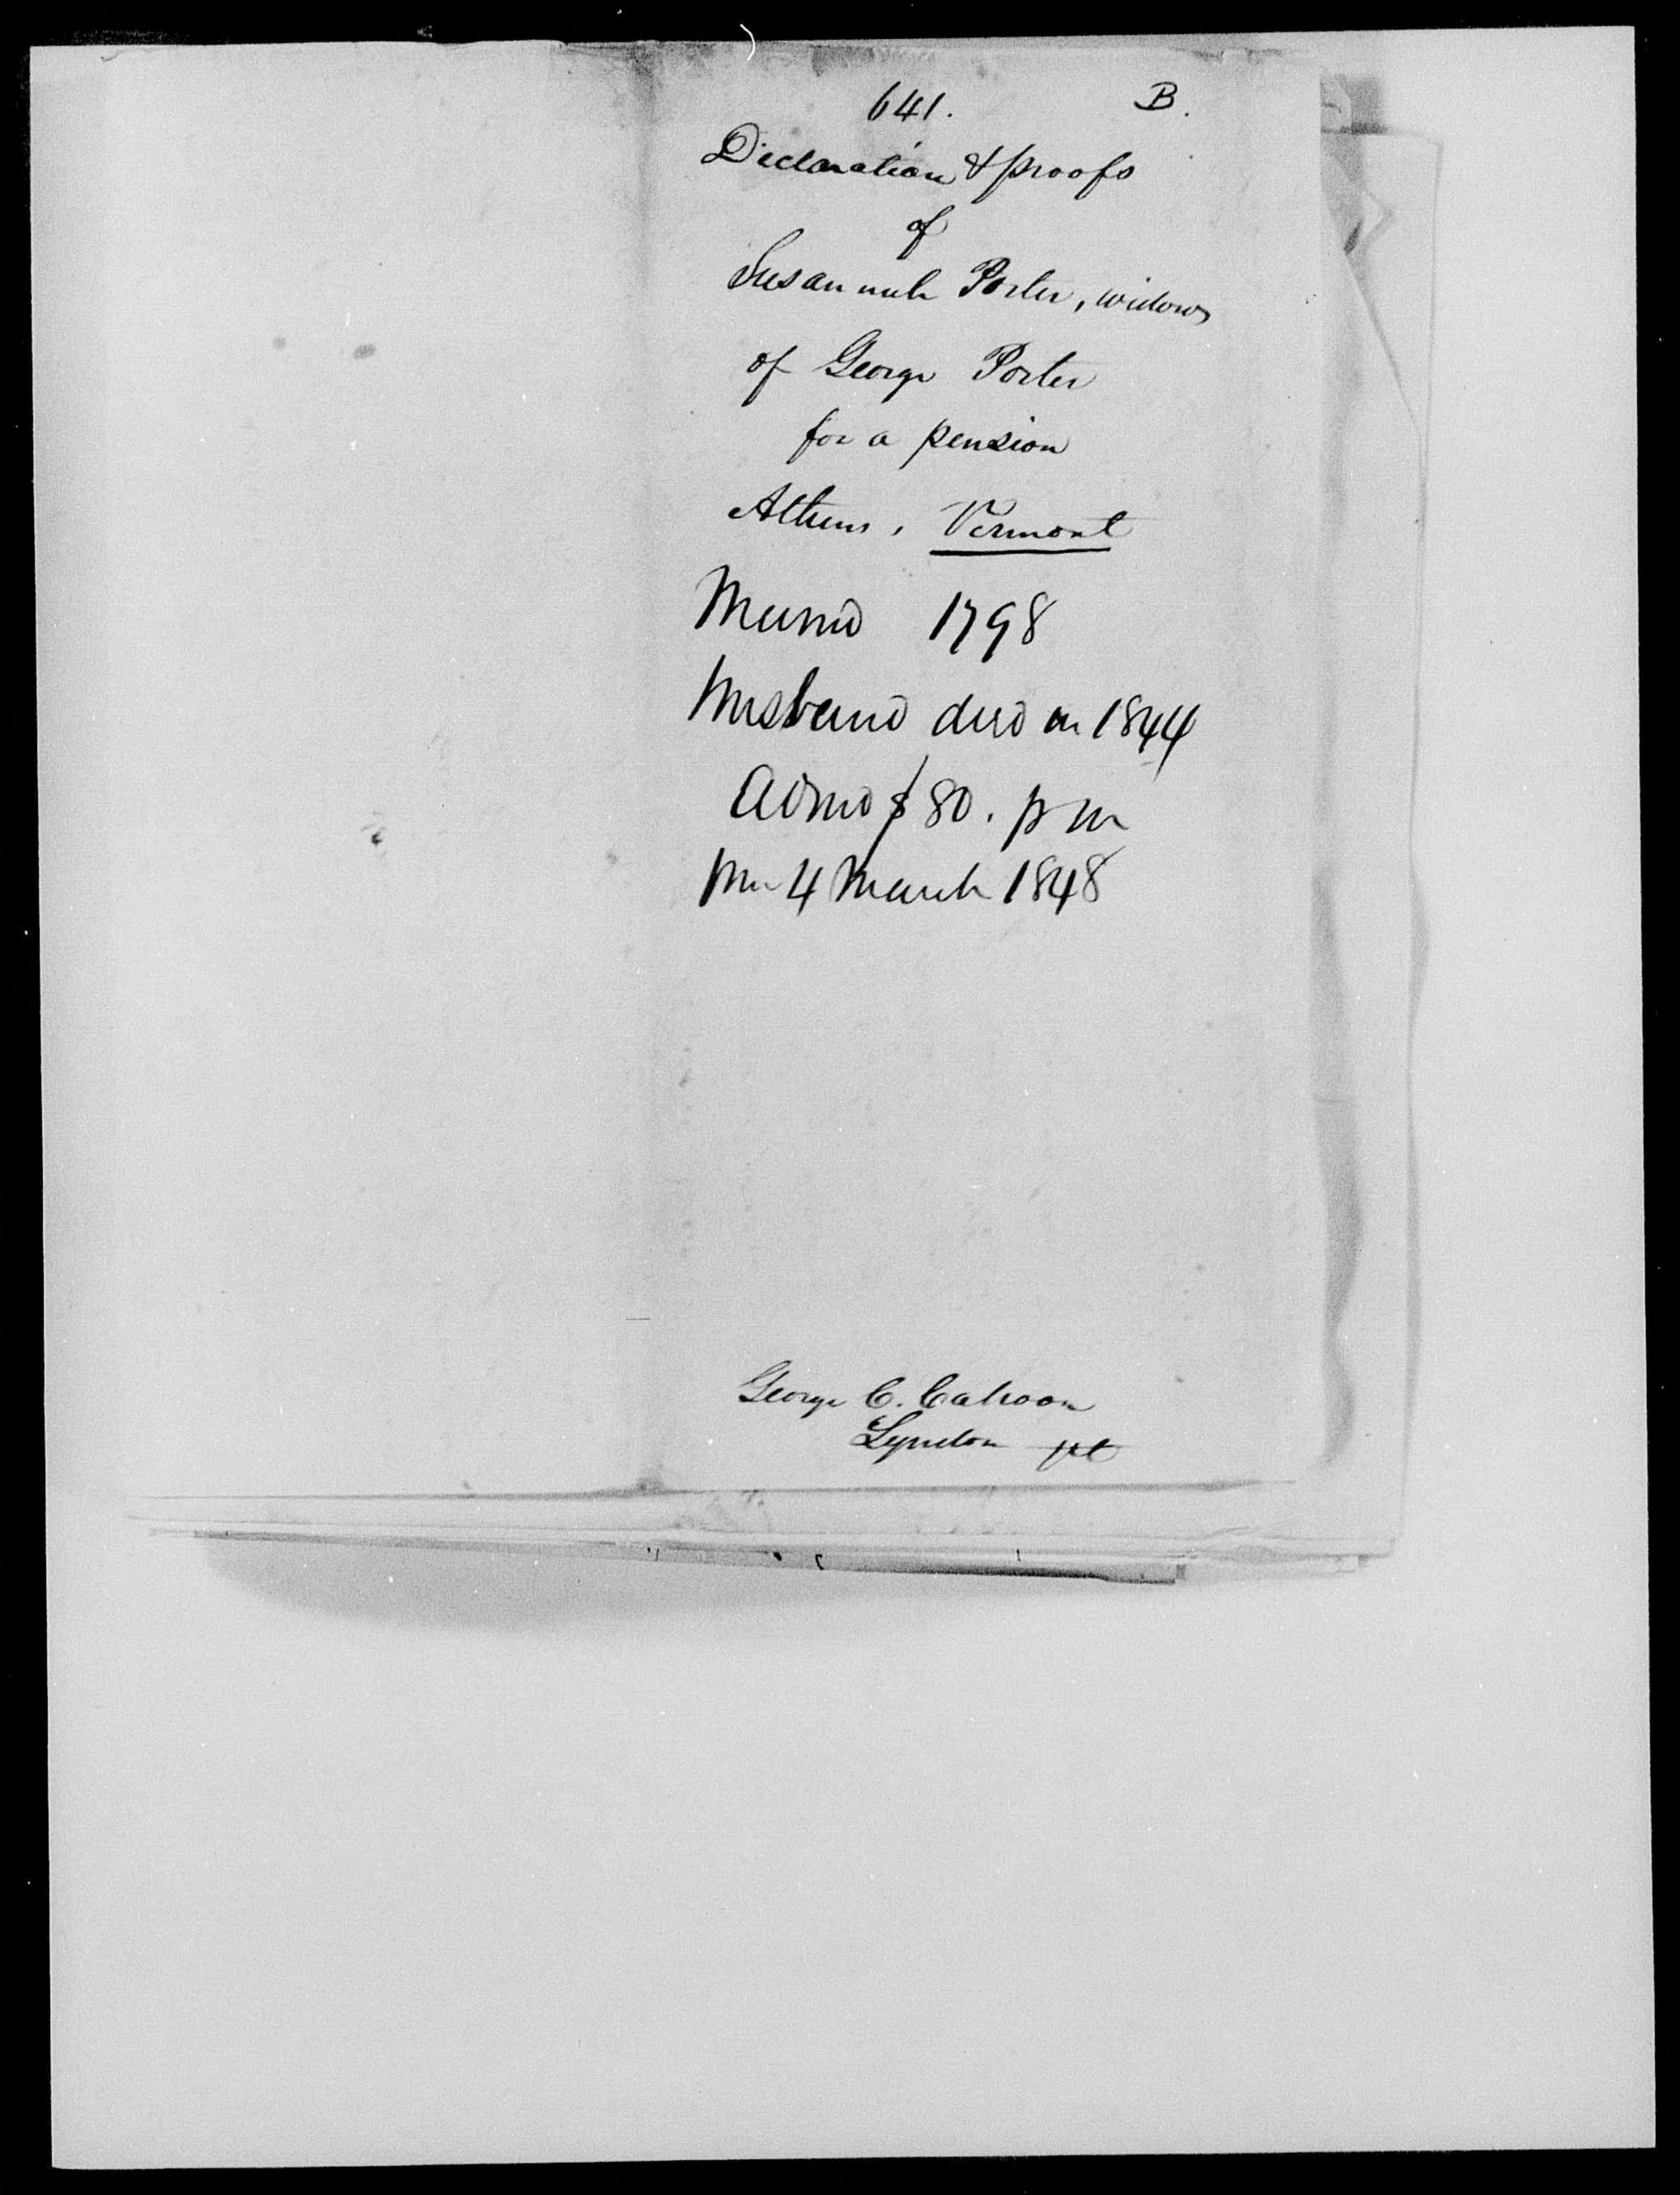641. B.
Declaration & proofs of Susannah Porter, widow of George Porter for a pension
Athens, Vermont
Marred 1798
Husband died in 1844
Aomo $18. p an
Mu 4 March 1848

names: Susannah Porter; George Porter; George C Cahoon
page: 8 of 49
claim: widow's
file: W. 2164, for George Porter, Massachusetts